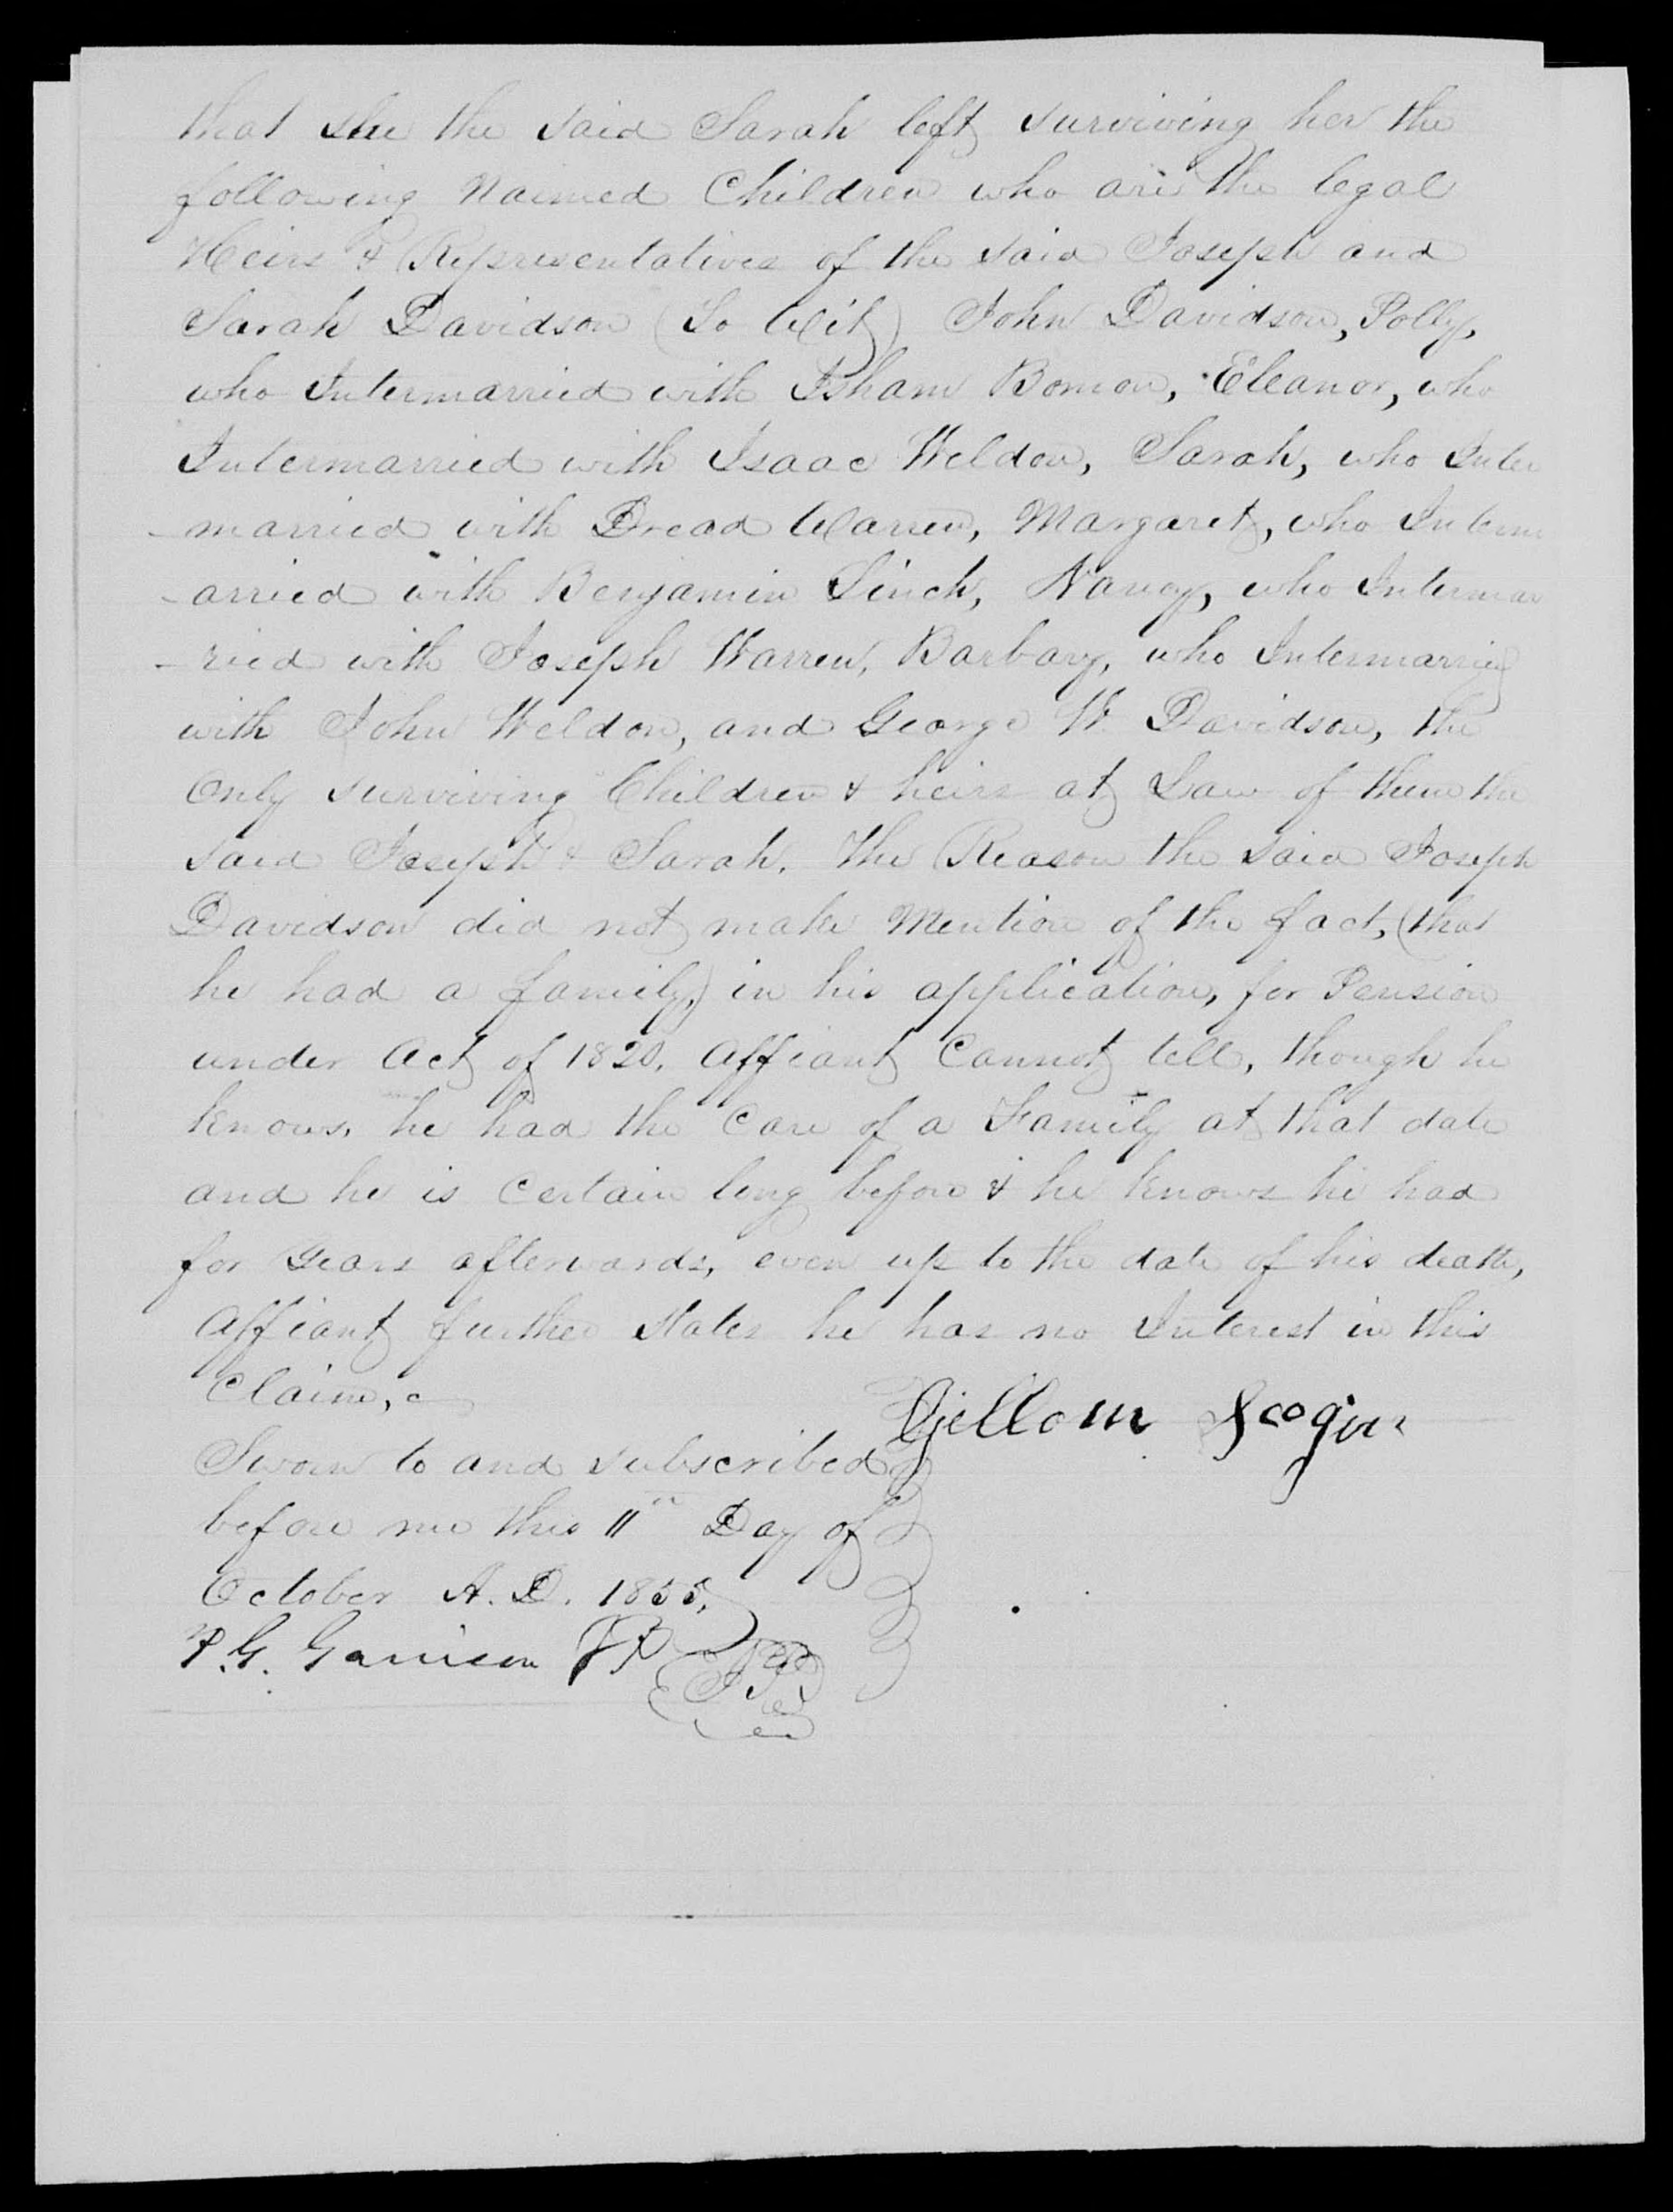that she the said Sarah left surviving her the
following named children who are the legal
Heirs & Representatives of the said Joseph and
Sarah Davidson (To wit) John Davidson, Polly, 
who intermarried with Isham Boman, Eleanor, who
Intermarried with Isaac Weldon, Sarah, who intermarried with Dread Warren, Margaret, who intermarried with Benjamin Linch, Nancy, who intermarried with Joseph Warren, Barbary, who intermarried with John Weldon, and George W. Davidson, the only surviving Children & heirs at Law of them the said Joseph & Sarah. The Reason the said Joseph Davidson did not make mention of the fact, that he had a family in his application for Pension under act of 1820, affiant cannot tell, though he knows, he had the care of a family at that date and he is certain long before & he knows he had
for years afterwards, even up to the date of his death,
affiant further states he has no interest in this claim,
Gillom Scogins
Sworn to and subscribed fellow soon
before me this 11th Day of
October A.D. 1850,
P. G. Garrison, J.P.        ⎬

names: Joseph Davidson, Benjamin Linch, Nancy, Eleanor, Gillom Scogin, Joseph, Isham Bomon, Barbary, Sarah, Sarah Davidson, Polly, Isaac Weldon, Joseph Davidson, Sarah, Sarah, Dread Warren, Joseph Warren, Margaret, John Weldon, P G Garrison, John Davidson, George W Davidson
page: 43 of 63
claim: widow's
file: W. 4175, Joseph Davidson, N.C.